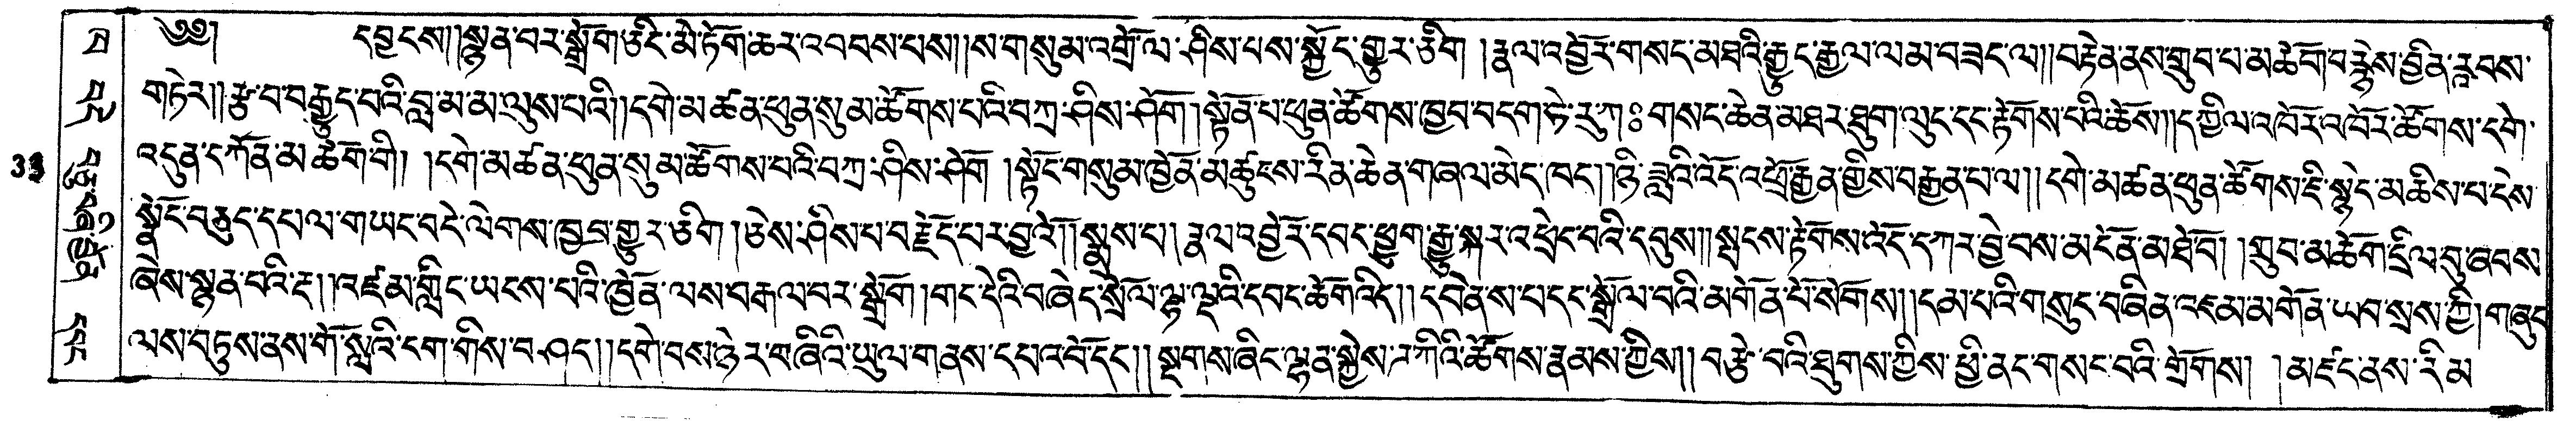༄༅། །དབྱངས། །སྙན་པར་སྒྲོག་ཅིང་མེ་ཏོག་ཆར་འབབས་པས། །ས་གསུམ་འགྲོ་ལ་ཤིས་པས་སྐྱོང་གྱུར་ཅིག །རྣལ་འབྱོར་གསང་མཐའི་རྒྱུད་རྒྱལ་ལམ་བཟང་ལ། །བརྟེན་ནས་གྲུབ་པ་མཆོག་བརྙེས་བྱིན་རླབས་
གཏེར། །རྩ་བ་བརྒྱུད་པའི་བླ་མ་མ་ལུས་པའི། །དགེ་མཚན་ཕུན་སུམ་ཚོགས་པའི་བཀྲ་ཤིས་ཤོག །སྟོན་པ་ཕུན་ཚོགས་ཁྱབ་བདག་ཧེ་རུ་ཀཿ གསང་ཆེན་མཐར་ཐུག་ལུང་དང་རྟོགས་པའི་ཆོས། །དཀྱིལ་འཁོར་འཁོར་ཚོགས་དགེ་
འདུན་དཀོན་མཆོག་གི། །དགེ་མཚན་ཕུན་སུམ་ཚོགས་པའི་བཀྲ་ཤིས་ཤོག །སྟོང་གསུམ་ཁྱོན་མཚུངས་རིན་ཆེན་གཞལ་མེད་ཁང་། །ཉི་ཟླའི་འོད་འཕྲོ་རྒྱན་གྱིས་བརྒྱན་པ་ལ། །དགེ་མཚན་ཕུན་ཚོགས་ཇི་སྙེད་མཆིས་པ་དེས་
སྣོད་བཅུད་དཔལ་གཡང་བདེ་ལེགས་ཁྱབ་གྱུར་ཅིག །ཅེས་ཤིས་པ་བརྗོད་པར་བྱའོ། །སྨྲས་པ། རྣལ་འབྱོར་དབང་ཕྱུག་རྒྱུ་སྐར་འཕྲེང་བའི་དབུས། །སྤངས་རྟོགས་འོད་དཀར་བྱེ་བས་མངོན་མཐོ་བ། །གྲུབ་མཆོག་དྲིལ་བུ་ཞབས་
ཞེས་སྙན་པའི་རྡ། །འཛམ་གླིང་ཡངས་པའི་ཁྱོན་ལས་བརྒལ་བར་སྒྲོག །གང་དེའི་བཞེད་སྲོལ་ལྷ་ལྔའི་དབང་ཆོག་འདི། །དབེན་ས་པ་དང་སྒྲོལ་བའི་མགོན་པོ་སོགས། །དམ་པའི་གསུང་བཞིན་འཇམ་མགོན་ཡབ་སྲས་ཀྱི། གཞུང་
ལས་བཏུས་ནས་གོ་སླའི་ངག་གིས་བཤད། །དགེ་བས་ཉེར་བཞིའི་ཡུལ་གནས་དཔའ་བོ་དང་། །སྔགས་ཞིང་ལྷན་སྐྱེས་ཌ་ཀིའི་ཚོགས་རྣམས་ཀྱིས། །བརྩེ་བའི་ཐུགས་ཀྱིས་ཕྱི་ནང་གསང་བའི་གྲོགས། །མཛད་ནས་རིམ་